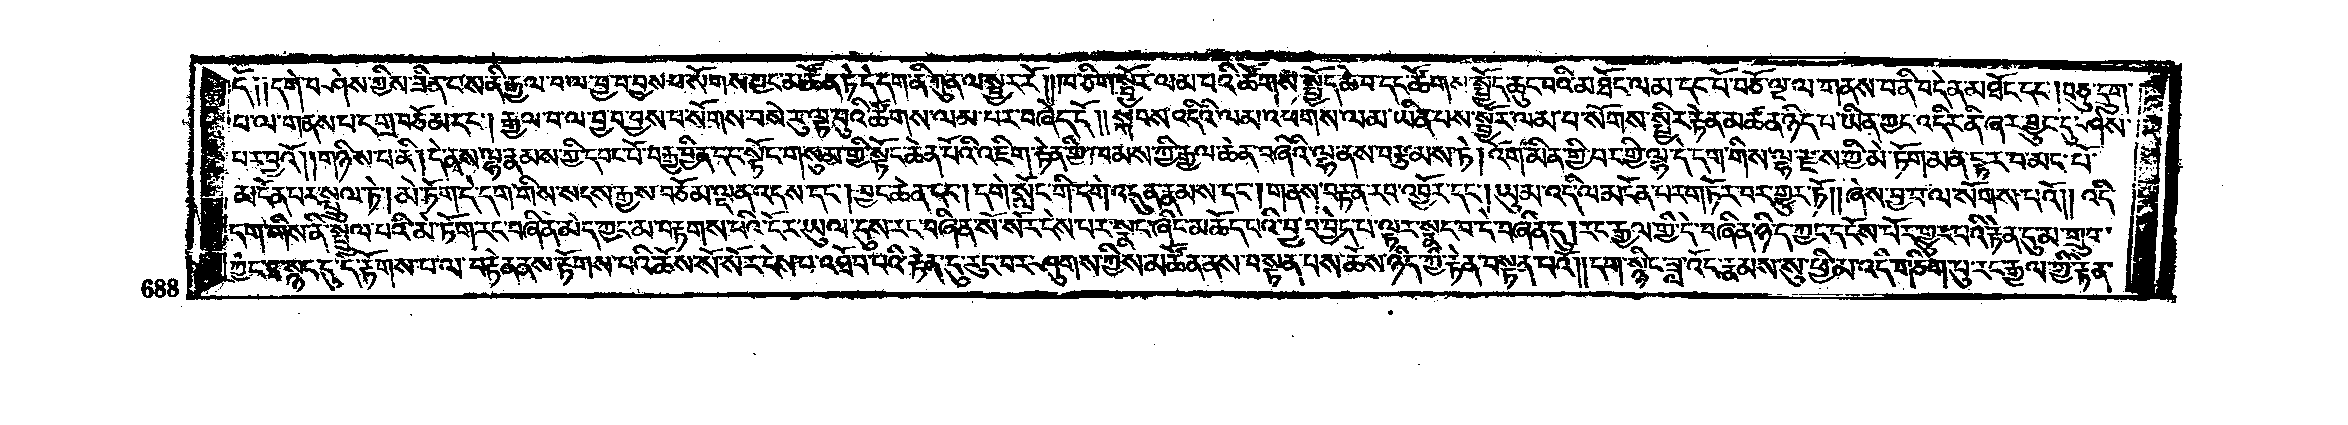དོ༑ ༑དགེ་བཤེས་ཀྱིས་ཟིན་པས་ནི་རྒྱལ་བ་ལ་བྱ་བ་བྱས་པ་སོགས་ཀྱང་མཚོན་ཏེ་དེ་དག་ནི་ཀུན་ལ་སྦྱར་རོ། །ཁ་ཅིག་སྦྱོར་ལམ་པའི་ཚོགས་སྤྱོད་ཆེ་བ་དང་ཚོགས་སྤྱོད་ཆུང་བའི་མཐོང་ལམ་དང་པོ་བཅོ་ལྔ་ལ་གནས་པ་ནི་བདེན་མཐོང་དང་། བཅུ་དྲུག་
པ་ལ་གནས་པ་དགྲ་བཅོམ་དང་། རྒྱལ་བ་ལ་བྱ་བ་བྱས་པ་སོགས་བསེ་རུ་ལྟ་བུའི་ཚོགས་ལམ་པར་བཞེད་དོ། །སྐབས་འདིའི་ལམ་འཕགས་ལམ་ཡིན་པས་སྦྱོར་ལམ་པ་སོགས་སྤྱིར་རྟེན་མཚན་ཉིད་པ་ཡིན་ཀྱང་འདིར་ནི་ཞར་བྱུང་དུ་ཤེས་
པར་བྱའོ། །གཉིས་པ་ནི། དེ་ནས་ལྷ་རྣམས་ཀྱི་དབང་པོ་བརྒྱ་བྱིན་དང་སྟོང་གསུམ་གྱི་སྟོང་ཆེན་པོའི་འཇིག་རྟེན་གྱི་ཁམས་ཀྱི་རྒྱལ་ཆེན་བཞིའི་ལྷ་ནས་བརྩམས་ཏེ། འོག་མིན་གྱི་བར་གྱི་ལྷ་དེ་དག་གིས་ལྷ་རྫས་ཀྱི་མེ་ཏོག་མན་དྷ་ར་བ་མང་པོ་
མངོན་པར་སྤྲུལ་ཏེ། མེ་ཏོག་དེ་དག་གིས་སངས་རྒྱས་བཅོམ་ལྡན་འདས་དང་། བྱང་ཆེན་དང་། དགེ་སློང་གི་དགེ་འདུན་རྣམས་དང་། གནས་བརྟན་རབ་འབྱོར་དང་། ཡུམ་འདི་ལ་མངོན་པར་གཏོར་བར་གྱུར་ཏོ། །ཞེས་བྱ་བ་ལ་སོགས་པའོ། །འདི་
དག་གིས་ནི་སྤྲུལ་པའི་མེ་ཏོག་རང་བཞིན་མེད་ཀྱང་མ་བརྟགས་པའི་ངོར་ཡུལ་དུས་རང་བཞིན་སོ་སོར་ངེས་པར་སྣང་ཞིང་མཆོད་པའི་བྱ་བ་བྱེད་པ་ལྟར་སྣང་བ་དེ་བཞིན་དུ། རང་རྒྱལ་གྱི་དེ་བཞིན་ཉིད་ཀྱང་དངོས་པོར་གྱུར་པའི་རྟེན་དུ་མ་གྲུབ་
ཀྱང་ཐ་སྙད་དུ་དེ་རྟོགས་པ་ལ་བརྟེན་ནས་རྟོགས་པའི་ཆོས་སོ་སོར་ངེས་པ་འཐོབ་པའི་རྟེན་དུ་རུང་བར་ཤུགས་ཀྱིས་མཚོན་ནས་བསྟན་པས་ཆོས་ཉིད་ཀྱི་རྟེན་བསྟན་པའོ། །དག་སྙིང་ཟླ་འོད་རྣམས་སུ་ཕྱི་མ་འདི་གཅིག་པུ་རང་རྒྱལ་གྱི་རྟེན་